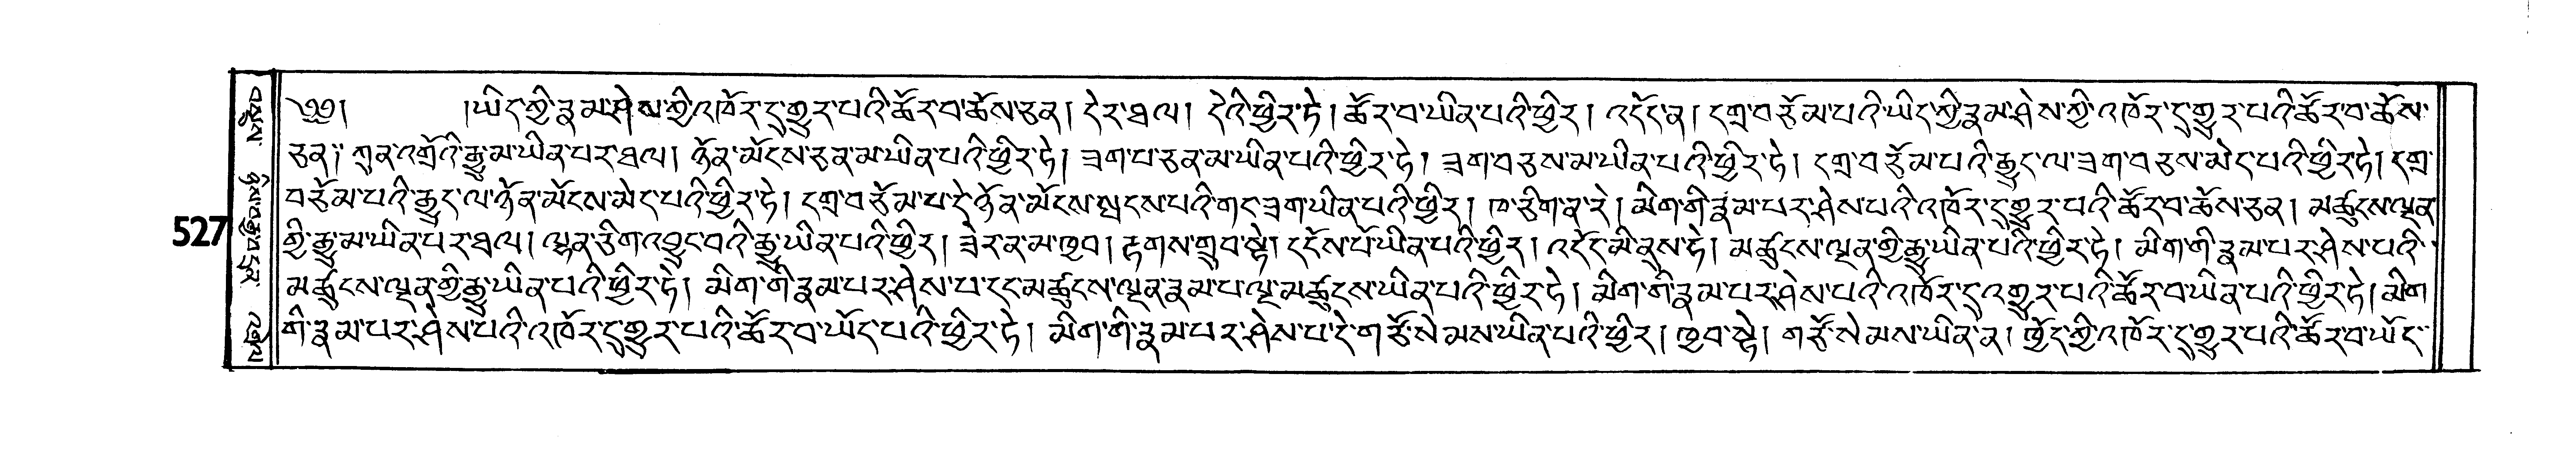༄༅། །ཡིད་ཀྱི་རྣམ་ཤེས་ཀྱི་འཁོར་དུ་གྱུར་པའི་ཚོར་བ་ཆོས་ཅན། དེར་ཐལ། དེའི་ཕྱིར་ཏེ། ཚོར་བ་ཡིན་པའི་ཕྱིར། འདོད་ན། དགྲ་བཅོམ་པའི་ཡིད་ཀྱི་རྣམ་ཤེས་ཀྱི་འཁོར་དུ་གྱུར་པའི་ཚོར་བ་ཆོས་
ཅན༑ ཀུན་འགྲོའི་རྒྱུ་མ་ཡིན་པར་ཐལ། ཉོན་མོངས་ཅན་མ་ཡིན་པའི་ཕྱིར་ཏེ། ཟག་པ་ཅན་མ་ཡིན་པའི་ཕྱིར་ཏེ། ཟག་བཅས་མ་ཡིན་པའི་ཕྱིར་ཏེ། དགྲ་བཅོམ་པའི་རྒྱུད་ལ་ཟག་བཅས་མེད་པའི་ཕྱིར་ཏེ། དགྲ་
བཅོམ་པའི་རྒྱུད་ལ་ཉོན་མོངས་མེད་པའི་ཕྱིར་ཏེ། དགྲ་བཅོམ་པ་དེ་ཉོན་མོངས་སྤངས་པའི་གང་ཟག་ཡིན་པའི་ཕྱིར། ཁ་ཅིག་ན་རེ། མིག་གི་རྣམ་པར་ཤེས་པའི་འཁོར་དུ་གྱུར་པའི་ཚོར་བ་ཆོས་ཅན། མཚུངས་ལྡན་
གྱི་རྒྱུ་མ་ཡིན་པར་ཐལ། ལྷན་ཅིག་འབྱུང་བའི་རྒྱུ་ཡིན་པའི་ཕྱིར། ཟེར་ན་མ་ཁྱབ། རྟགས་གྲུབ་སྟེ། དངོས་པོ་ཡིན་པའི་ཕྱིར། འདོད་མི་ནུས་ཏེ། མཚུངས་ལྡན་གྱི་རྒྱུ་ཡིན་པའི་ཕྱིར་ཏེ། མིག་གི་རྣམ་པར་ཤེས་པའི་
མཚུངས་ལྡན་གྱི་རྒྱུ་ཡིན་པའི་ཕྱིར་ཏེ། མིག་གི་རྣམ་པར་ཤེས་པ་དང་མཚུངས་ལྡན་རྣམ་པ་ལྔ་མཚུངས་ཡིན་པའི་ཕྱིར་ཏེ། མིག་གི་རྣམ་པར་ཤེས་པའི་འཁོར་དུ་འགྱུར་པའི་ཚོར་བ་ཡིན་པའི་ཕྱིར་ཏེ། མིག་
གི་རྣམ་པར་ཤེས་པའི་འཁོར་དུ་གྱུར་པའི་ཚོར་བ་ཡོད་པའི་ཕྱིར་ཏེ། མིག་གི་རྣམ་པར་ཤེས་པ་དེ་གཙོ་སེམས་ཡིན་པའི་ཕྱིར། ཁྱབ་སྟེ། གཙོ་སེམས་ཡིན་ན། ཁྱོད་ཀྱི་འཁོར་དུ་གྱུར་པའི་ཚོར་བ་ཡོད་